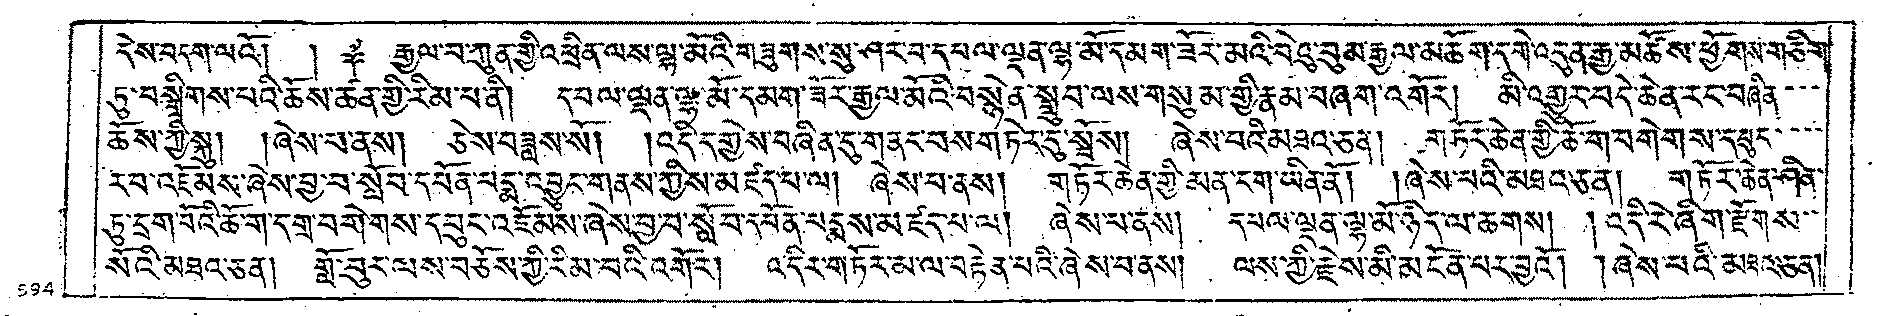དེས་བདག་ལའོ། ། ༈ རྒྱལ་བ་ཀུན་གྱི་འཕྲིན་ལས་ལྷ་མོའི་གཟུགས་སུ་ཤར་བ་དཔལ་ལྡན་ལྷ་མོ་དམག་ཟོར་མའི་བེའུ་བུམ་རྒྱལ་མཆོག་དགེ་འདུན་རྒྱ་མཚོས་ཕྱོགས་གཅིག་
ཏུ་བསྒྲིགས་པའི་ཆོས་ཚན་གྱི་རིམ་པ་ནི། དཔལ་ལྡན་ལྷ་མོ་དམག་ཟོར་རྒྱལ་མོའི་བསྙེན་སྒྲུབ་ལས་གསུམ་གྱི་རྣམ་བཞག་འགོར། མི་འགྱུར་བདེ་ཆེན་རང་བཞིན་
ཆོས་ཀྱི་སྐུ། །ཞེས་པ་ནས། ཅེས་བཟླས་སོ། །འདི་དགྱེས་བཞིན་དུ་གནང་བས་གཏེར་དུ་སྦོས། ཞེས་པའི་མཐའ་ཅན། གཏོར་ཆེན་གྱི་ཆོ་ག་བགེགས་དཔུང་
རབ་འཇོམས་ཞེས་བྱ་བ་སློབ་དཔོན་པདམ་འབྱུང་གནས་ཀྱིས་མཛད་པ་ལ། ཞེས་པ་ནས། གཏོར་ཆེན་གྱི་མན་ངག་ཡིན་ནོ། །ཞེས་པའི་མཐའ་ཅན། གཏོར་ཆེན་ཤིན་
ཏུ་དྲག་པོའི་ཆོ་ག་དགྲ་བགེགས་དཔུང་འཇོམས་ཞེས་བྱ་བ་སློབ་དཔོན་པདམས་མཛད་པ་ལ། ཞེས་པ་ནས། དཔལ་ལྡན་ལྷ་མོ་ཉིད་ལ་ཆགས། །འདི་རེ་ཞིག་རྫོགས་
སོའི་མཐའ་ཅན། གློ་བུར་ལས་བཅོས་ཀྱི་རིམ་པའི་འགོར། འདིར་གཏོར་མ་ལ་བརྟེན་པའི་ཞེས་པ་ནས། ལས་ཀྱི་རྗེས་མི་མངོན་པར་བྱའོ། །ཞེས་པའི་མཐའ་ཅན།